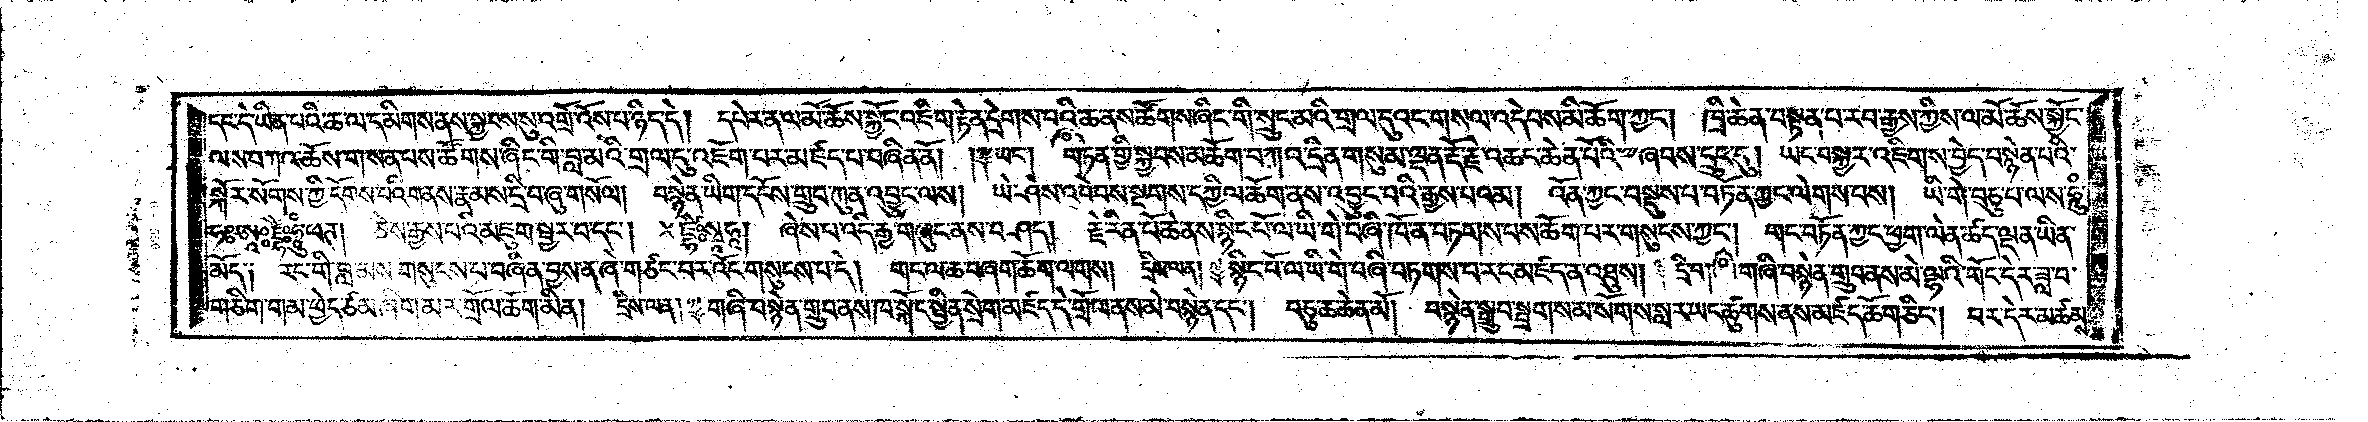དང་དེ་ཡིན་པའི་ཆ་ལ་དམིགས་ནས་སྐྱབས་སུ་འགྲོ་འོས་པ་ཉིད་དེ། དཔེར་ན་ལ་མོ་ཆོས་སྐྱོང་འཇིག་རྟེན་དྲེགས་པའི་ཆ་ནས་ཚོགས་ཞིང་གི་སྲུང་མའི་གྲལ་དུའང་གསལ་འདེབས་མི་ཆོག་ཀྱང་། ཁྲི་ཆེན་བསྟན་པ་རབ་
རྒྱས་ཀྱིས་ལ་མོ་ཆོས་སྐྱོང་
ལས་བཀའ་ཆོས་གསན་པས་ཚོགས་ཞིང་གི་བླ་མའི་གྲལ་དུ་འཇོག་པར་མཛད་པ་བཞིན་ནོ། ། ༈ཡང་།  གཏན་གྱི་སྐྱབས་མཆོག་བཀའ་དྲིན་གསུམ་ལྡན་རྡོ་རྗེ་འཆང་ཆེན་པོའི་ཞབས་དྲུང་དུ། ཡང་བསྐྱར་འཇིགས་བྱེད་བསྙེན་པའི་
སྐོར་སོགས་ཀྱི་དོགས་པའི་གནས་རྣམས་དྲི་བ་ཞུ་གསོལ། བསྙེན་ཡིག་དངོས་གྲུབ་ཀུན་འབྱུང་ལས། ཡེ་ཤེས་འབེབས་སྔགས་དཀྱིལ་ཆོག་ནས་འབྱུང་བའི་རྒྱས་པའམ། འོན་ཀྱང་བསྡུས་པ་བཏོན་ཀྱང་ལེགས་པས། ཡི་གེ་བཅུ་པ་ལས་ཧཱུཾ་
ཧཿཨཱཿཛྷིཿཧཱུཾ་ཕཊ་ཅེས་རྒྱས་པའི་མཇུག་སྦྱར་བ་དང་། ྾ཛྷཻཿསྭཱཧཱ་ཞེས་པ་འདི་རྒྱ་གཞུང་ནས་བཤད། རྗེ་རིན་པོ་ཆེ་ནས་སྙིང་པོ་ལ་ཡི་གེ་བཞི་ཁོ་ན་བཏགས་པས་ཆོག་པར་གསུངས་ཀྱང་། གང་བཏོན་ཀྱང་ཕྱག་ལེན་ཚད་ལྡན་ཡིན་
མོད༑ རང་གི་བླ་མས་གསུངས་པ་བཞིན་བྱས་ན་ཞེ་གཙང་བར་འོང་གསུངས་པ་དེ། གང་ལ་ཆ་བཞག་ཆོག་ལགས། དྲིས་ལན། ༈སྙིང་པོ་ལ་ཡི་གེ་བཞི་བཏགས་པ་རང་མཛད་ན་འཐུས། ༈ དྲི་བ།  ༼྾༽ གཞི་བསྙེན་གྲུབ་ནས་མེ་ལྷའི་གོང་དེར་ཟླ་བ་
གཅིག་གམ་ཕྱེར་ཙམ་ཞིག་མར་གྲོལ་ཆོག་མིན། དྲིས་ལན།  ༈ གཞི་བསྙེན་གྲུབ་ནས་ཁ་སྐོང་སྦྱིན་སྲེག་མཛད་དེ་གྲོལ་ནས་མེ་བསྙེན་དང་། བཅུ་ཆ་ཆེན་མོ། བསྙེན་སྒྲུབ་སྦྲགས་མ་སོགས་སླར་ཡང་ཚུགས་ནས་མཛད་ཆོག་ཅིང་། བར་དེར་མཚམས་